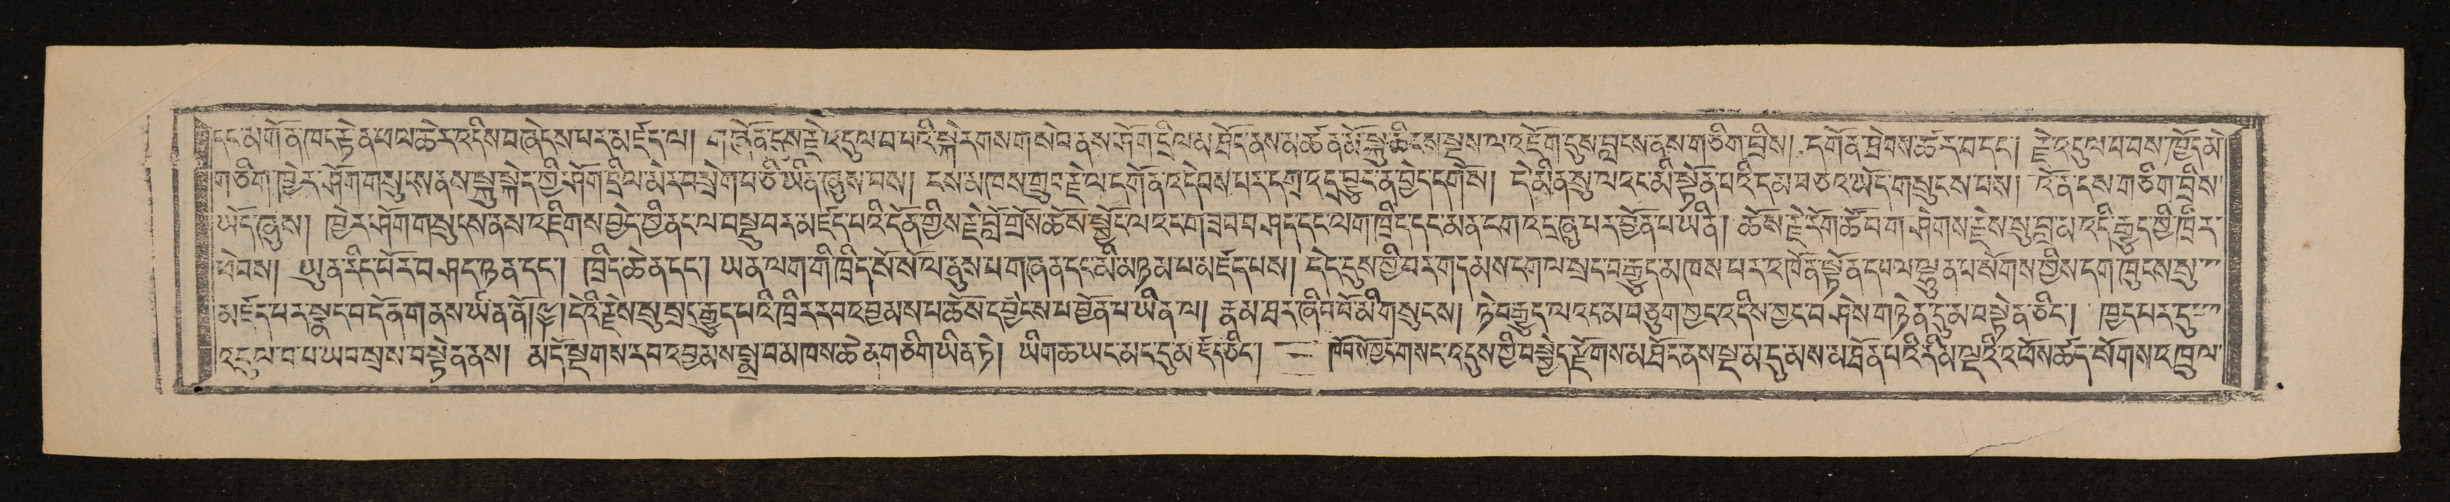དང་མགོན་ཁང་རྟེན་ཕལ་ཆེར་འདིས་བཞེངས་པར་མཛད་ལ། གཞོན་དུས་རྗེ་འདུལ་བ་པའི་སྐེ་རགས་གསེབ་ནས་ཤོག་དྲིལ་མཐོང་ནས་མཚན་མོ་སྐུ་ཆིངས་སྔས་ལ་འཇོག་དུས་བླངས་ནས་གཅིག་བྲིས། དགོན་ཐེབས་ཚར་བ་དང་། རྗེ་འདུལ་བ་པས་ཁྱོད་མེ་
གཅིག་ཁྱེར་ཤོག་གསུངས་ནས་སྐུ་སྐེད་ཀྱི་ཤོག་དྲིལ་མེར་བསྲེག་པ་ཅི་ཡིན་ཞུས་པས། ངས་མཁས་གྲུབ་རྗེ་ལ་དགོན་འདེབས་པར་དགྲ་འདྲ་བྱུང་ན་བྱེད་དགོས། དེ་མིན་སུ་ལའང་མི་སྟོན་པའི་དམ་བཅའ་ཡོད་གསུངས་པས། འོ་ན་ངས་གཅིག་བྲིས་
ཡོད་ཞུས། ཁྱེར་ཤོག་གསུངས་ནས་འཇིགས་བྱེད་ཀྱི་ནང་ལ་བསྡུ་བར་མཛད་པའི་དོན་གྱིས་རྗེ་བློ་གྲོས་ཆོས་སྐྱོང་ལའང་གཟབ་བཤད་དང་ལག་ཁྲིད་དང་མན་ངག་འདྲ་ཞུ་བར་བྱོན་པ་ཡིན། ཆོས་རྗེ་རོག་ཚོ་བ་གཤེགས་རྗེས་སུ་བླ་མ་འདི་རྒྱུད་ཀྱི་ཁྲིར་
ཕེབས། ཡུན་རིང་པོར་བཤད་ཉན་དང་། ཁྲིད་ཆེན་དང་། ཡན་ལག་གི་ཁྲིད་སོ་སོ་ལ་ནུས་པ་གཞན་དང་མི་མཉམ་པ་མཛད་པས། དེང་དུས་ཀྱི་བར་གདམས་ངག་ལ་སྲད་བརྒྱུད་མཁས་པར་འཁོན་སྟོན་དཔལ་ལྷུན་པ་སོགས་ཀྱིས་དག་ཁུངས་སུ་
མཛད་པར་སྣང་བ་དོན་གནས་ཡིན་ནོ། ༈ །དེའི་རྗེས་སུ་སྲད་རྒྱུད་པའི་ཁྲིར་རབ་འབྱམས་པ་ཆོས་དབྱིངས་པ་བྱོན་པ་ཡིན་ལ། རྣམ་ཐར་ཞིབ་པོ་མི་གསུངས། ཉེ་བརྒྱུད་ལའང་མ་བཅུག་ཀྱང་འདིས་ཀྱང་བཤེས་གཉེན་དུ་མ་བསྟེན་ཅིང་། ཁྱད་པར་དུ་
འདུལ་བ་པ་ཡབ་སྲས་བསྟེན་ནས། མདོ་སྔགས་རབ་འབྱམས་སྨྲ་བ་མཁས་ཆེན་གཅིག་ཡིན་ཏེ། ཡིག་ཆ་ཡང་མང་དུ་མཛད་ཅིང་། ཁོ་བོས་ཀྱང་གསང་འདུས་ཀྱི་བསྐྱེད་རྫོགས་མཐོང་ནས་སྔ་མ་དུ་མས་མ་ཐོན་པའི་རིམ་ལྔའི་འབོས་ཚད་སོགས་འཁྲུལ་